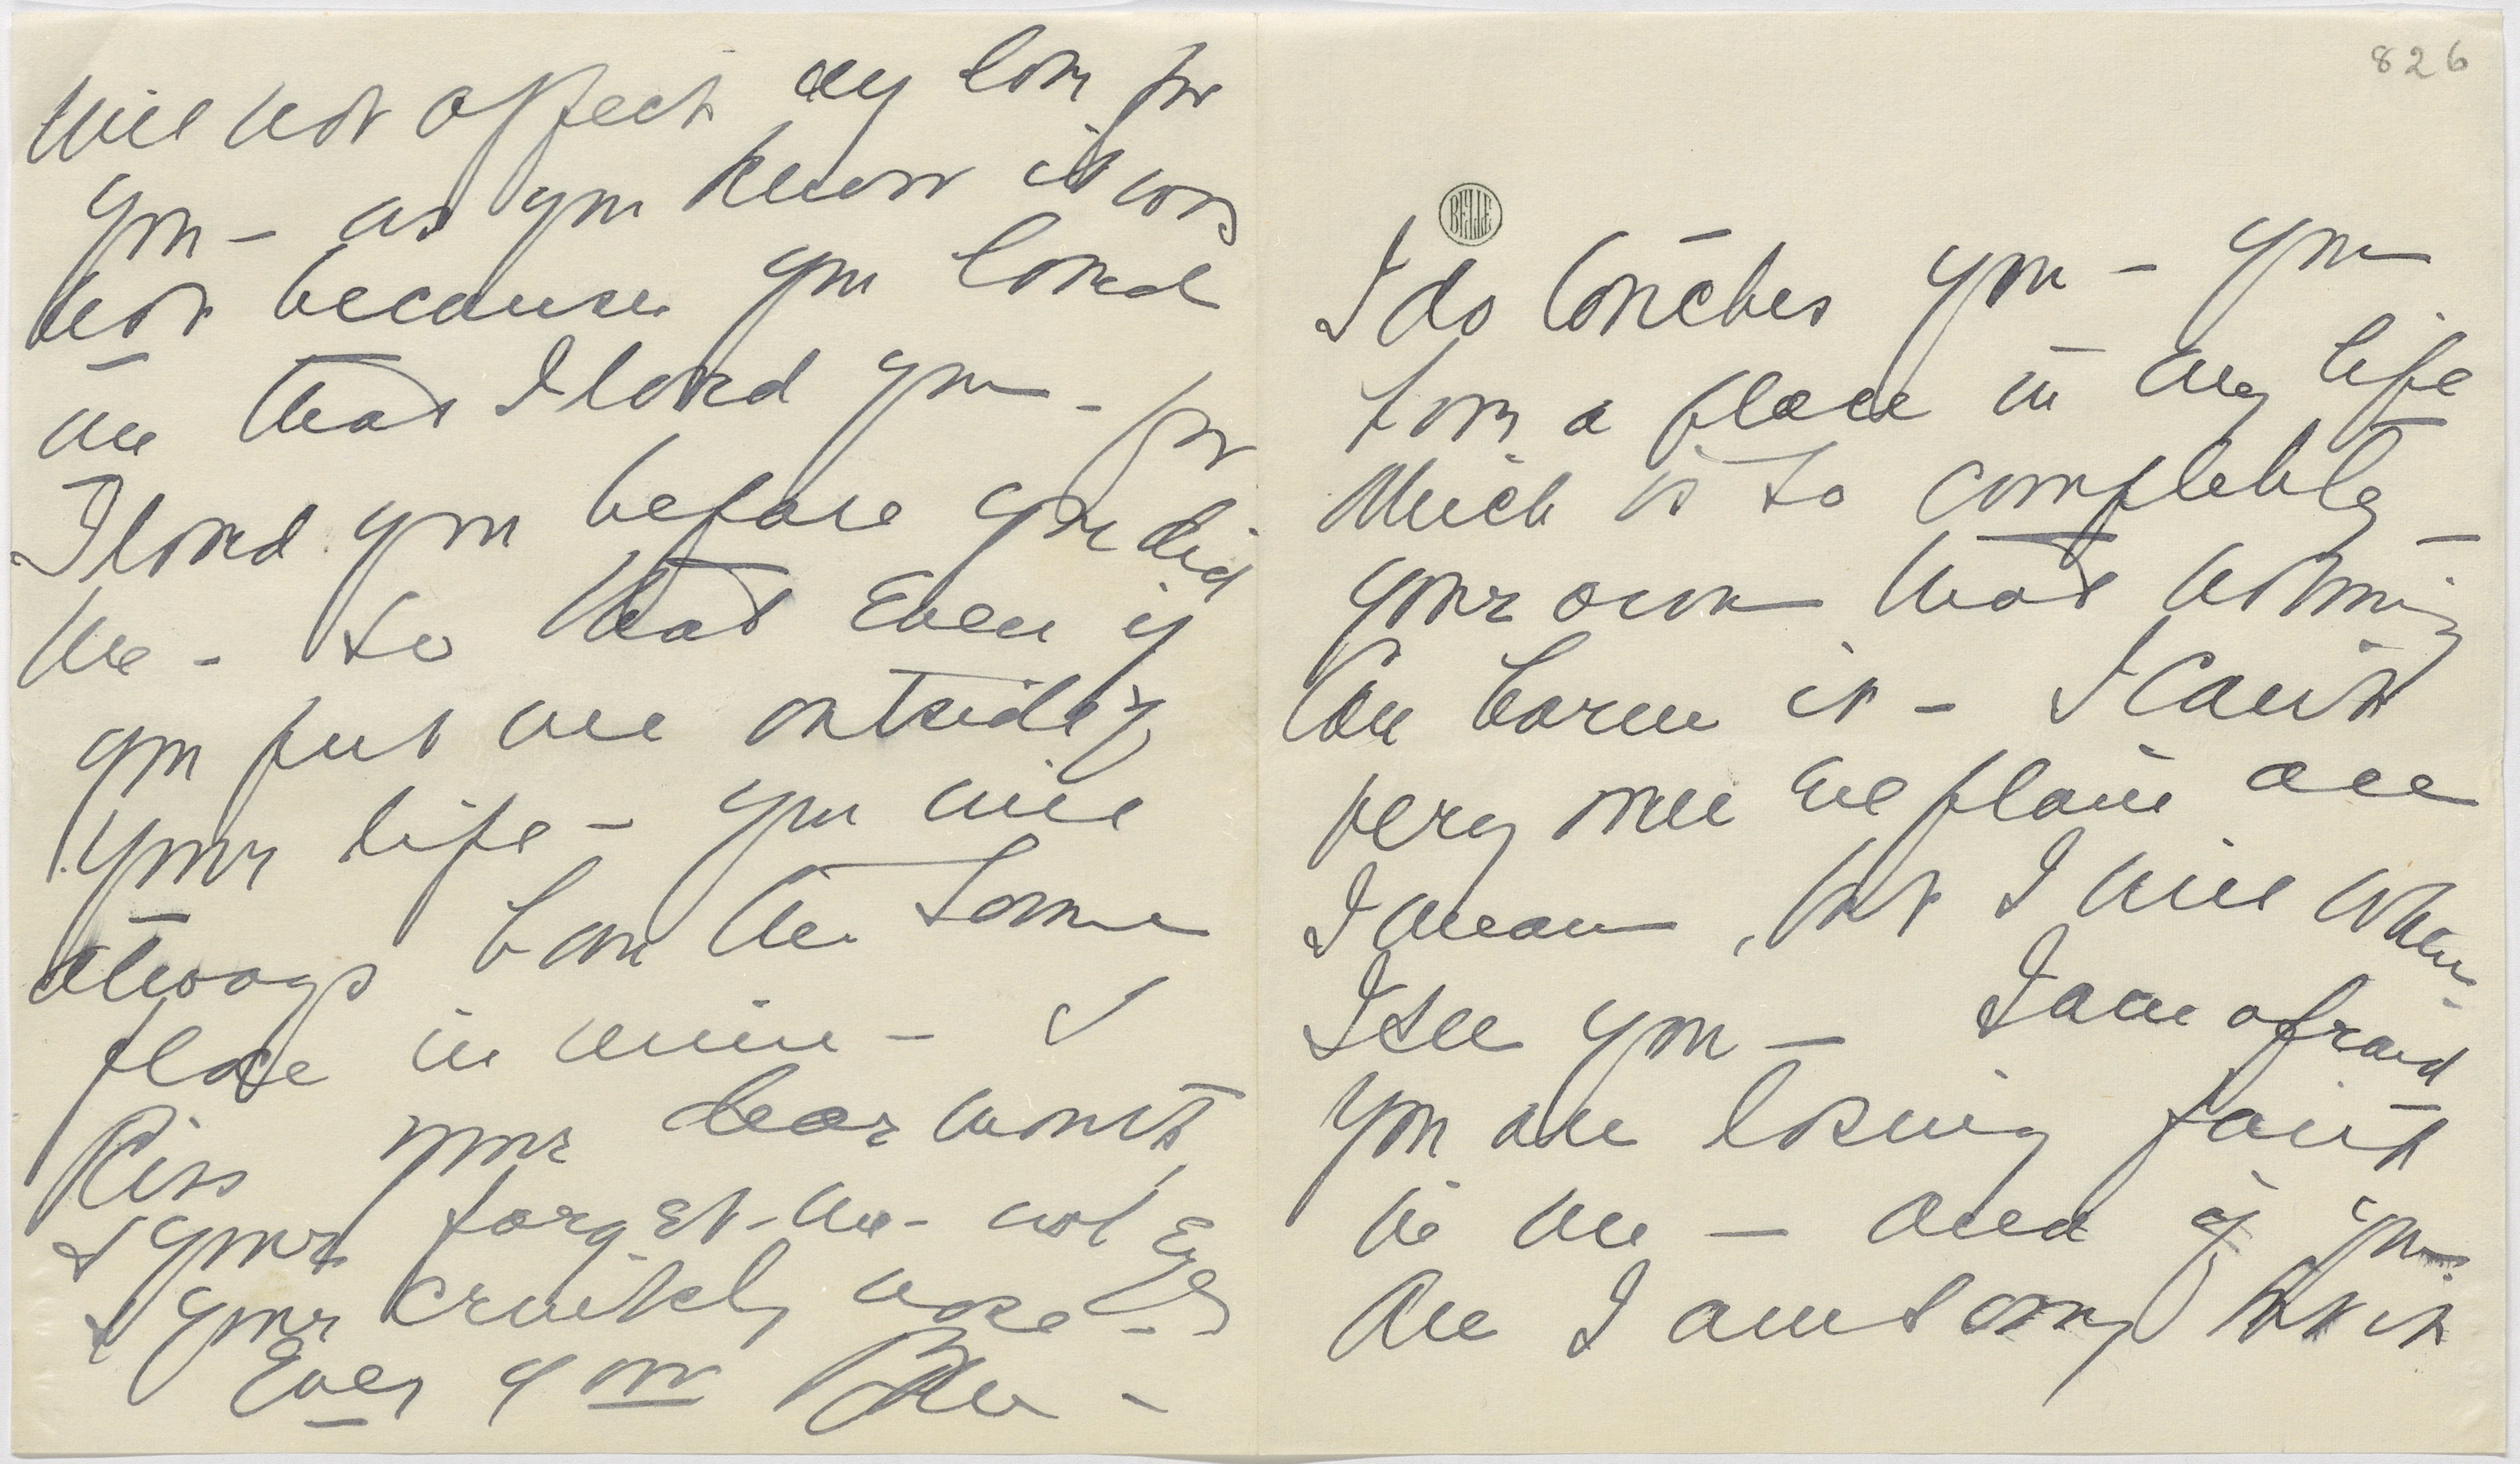I do touches you – you have a place in my life which is so completely your own that nothing can harm it – I can’t very well explain all I mean, but I will when I see you – I am afraid you are losing faith in me – and if you Are I am sorry but it
will not affect my love for you – as you know it was not because you loved me that I love you – for I loved you before you did me – so that even if you put me outside of your life – you will always have the same place in mine – I kiss your dear mouth & your forget-me-not- eyes & your crinkly nose –
Ever your Belle –